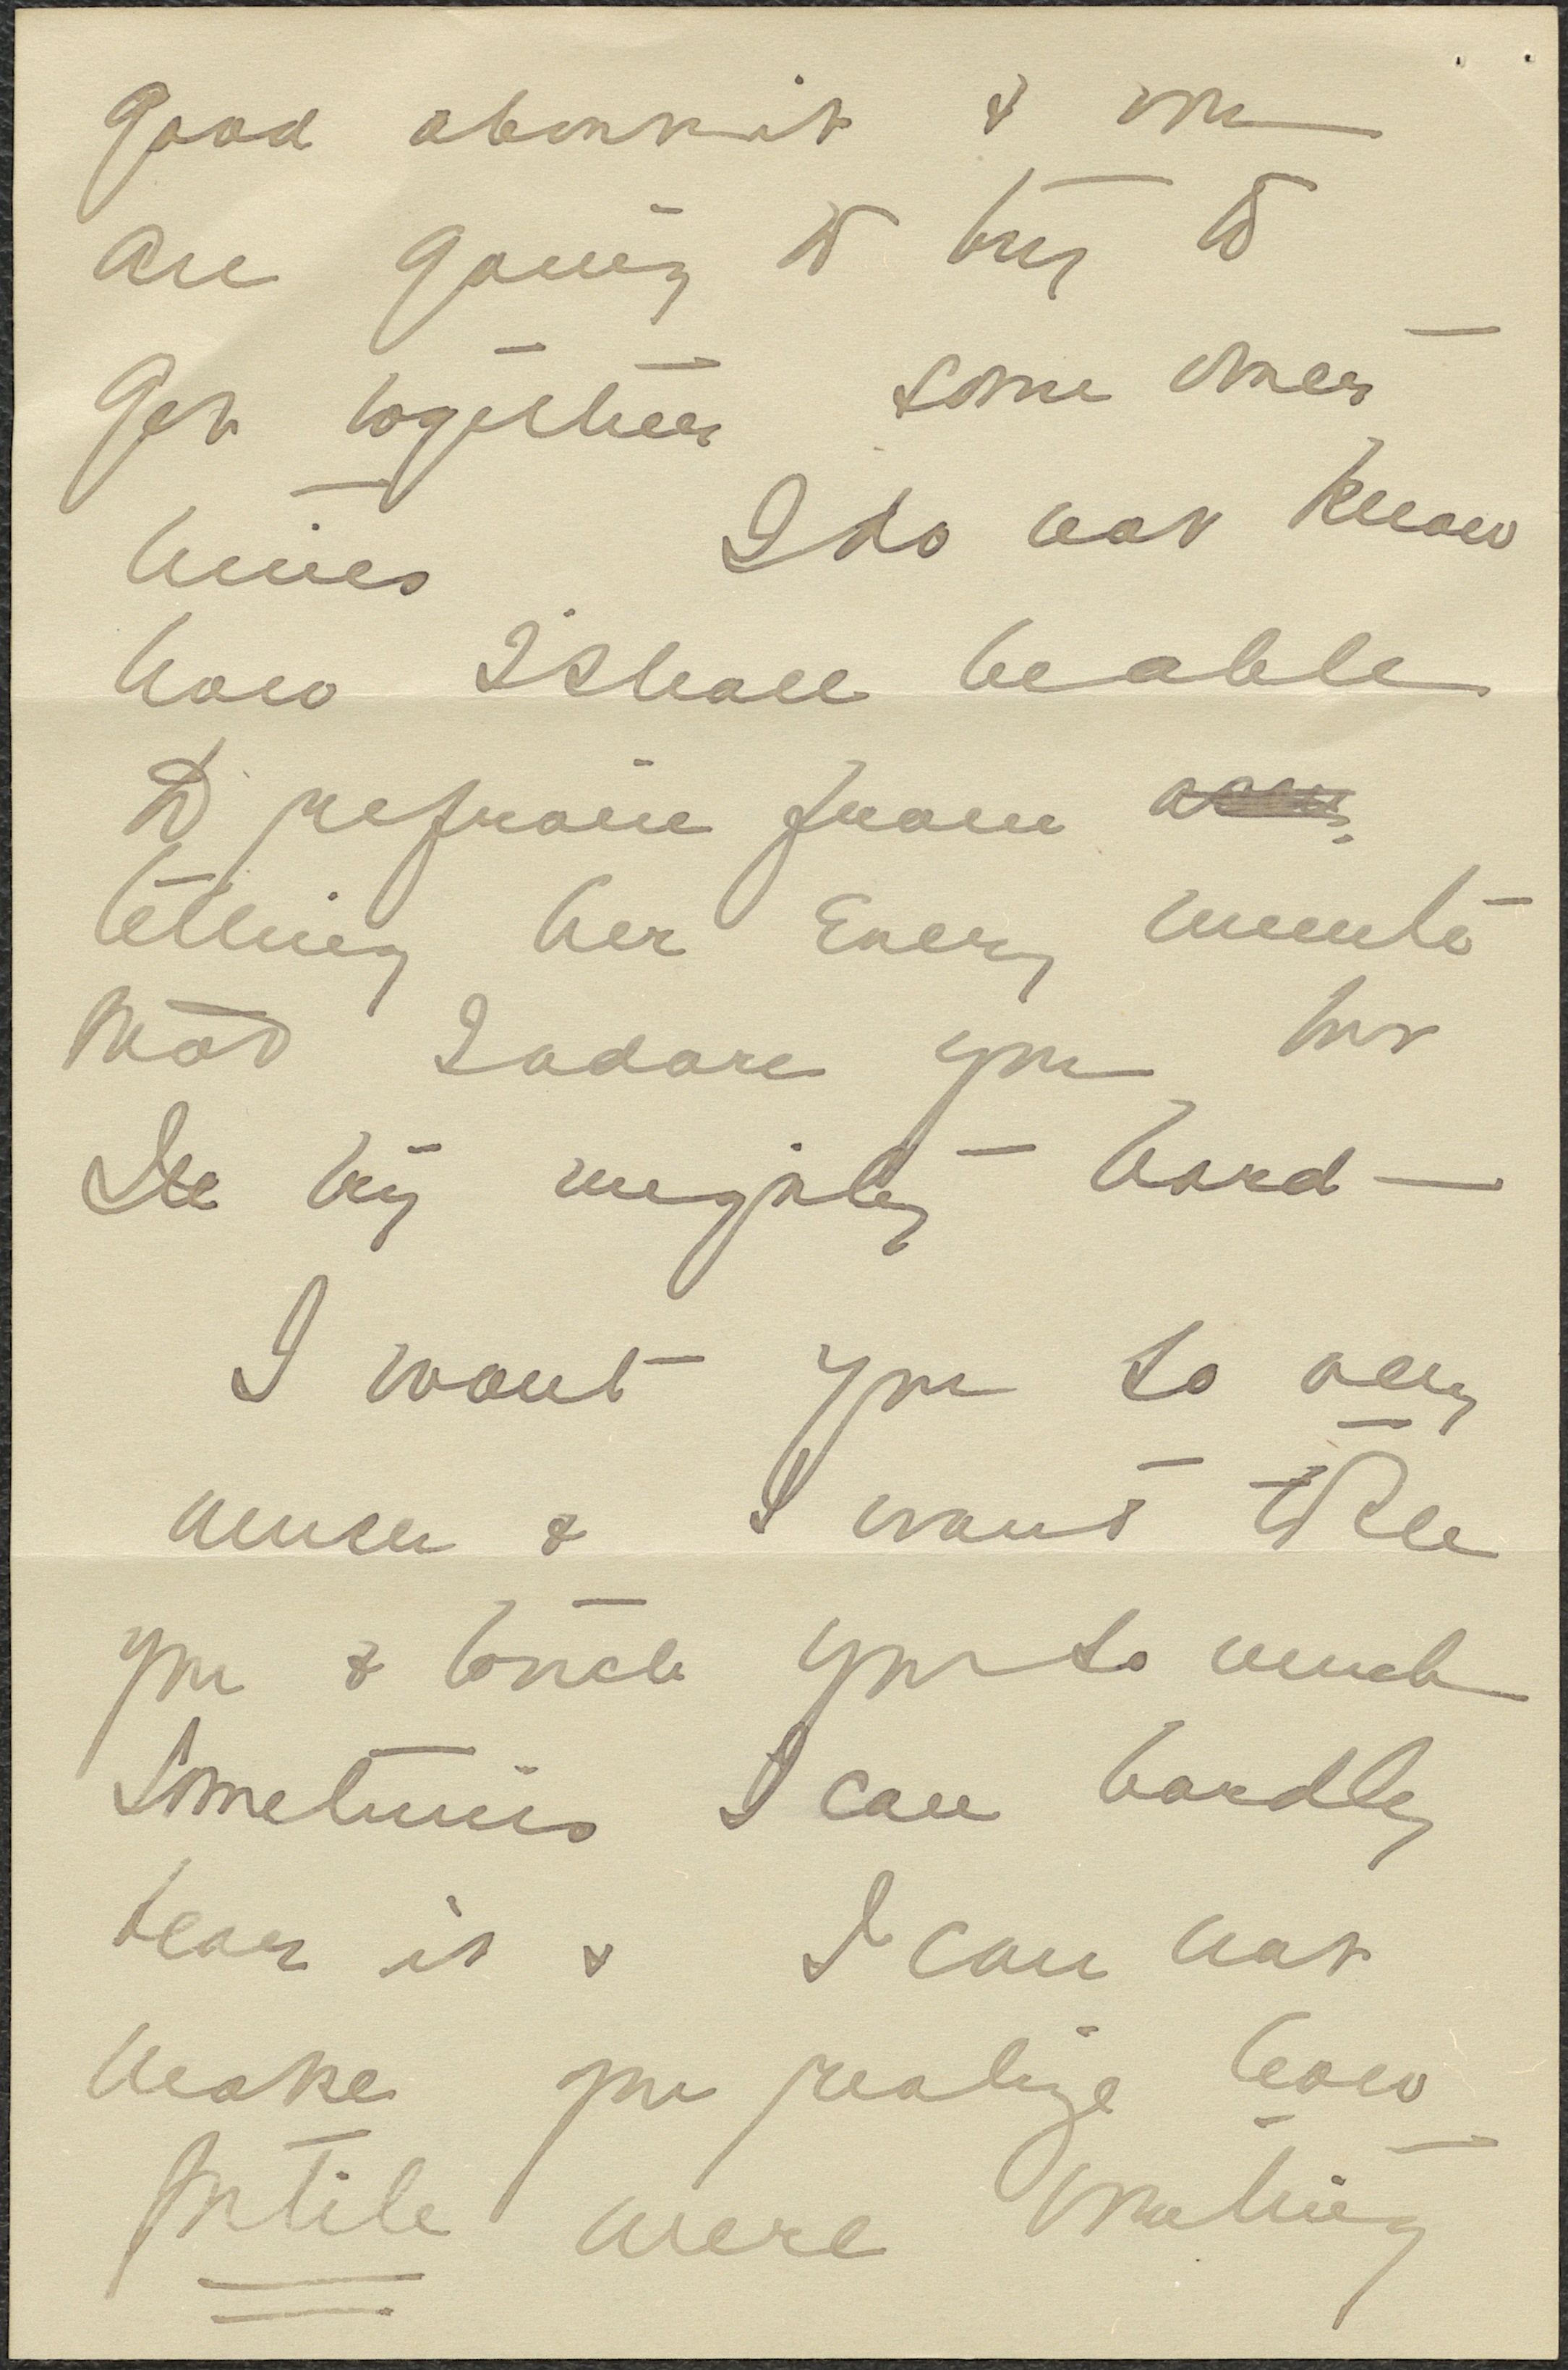good about it & we are going to try to get together some other times. I do not know how I shall be able to refrain from [illegible deletion] telling her every minute that I adore you but Ill [sic] try mighty hard –
I want you so very much & I want to see you & touch you so much
Sometimes I can hardly bear it & I can not make you realize how [doubled underline: futile] mere writing